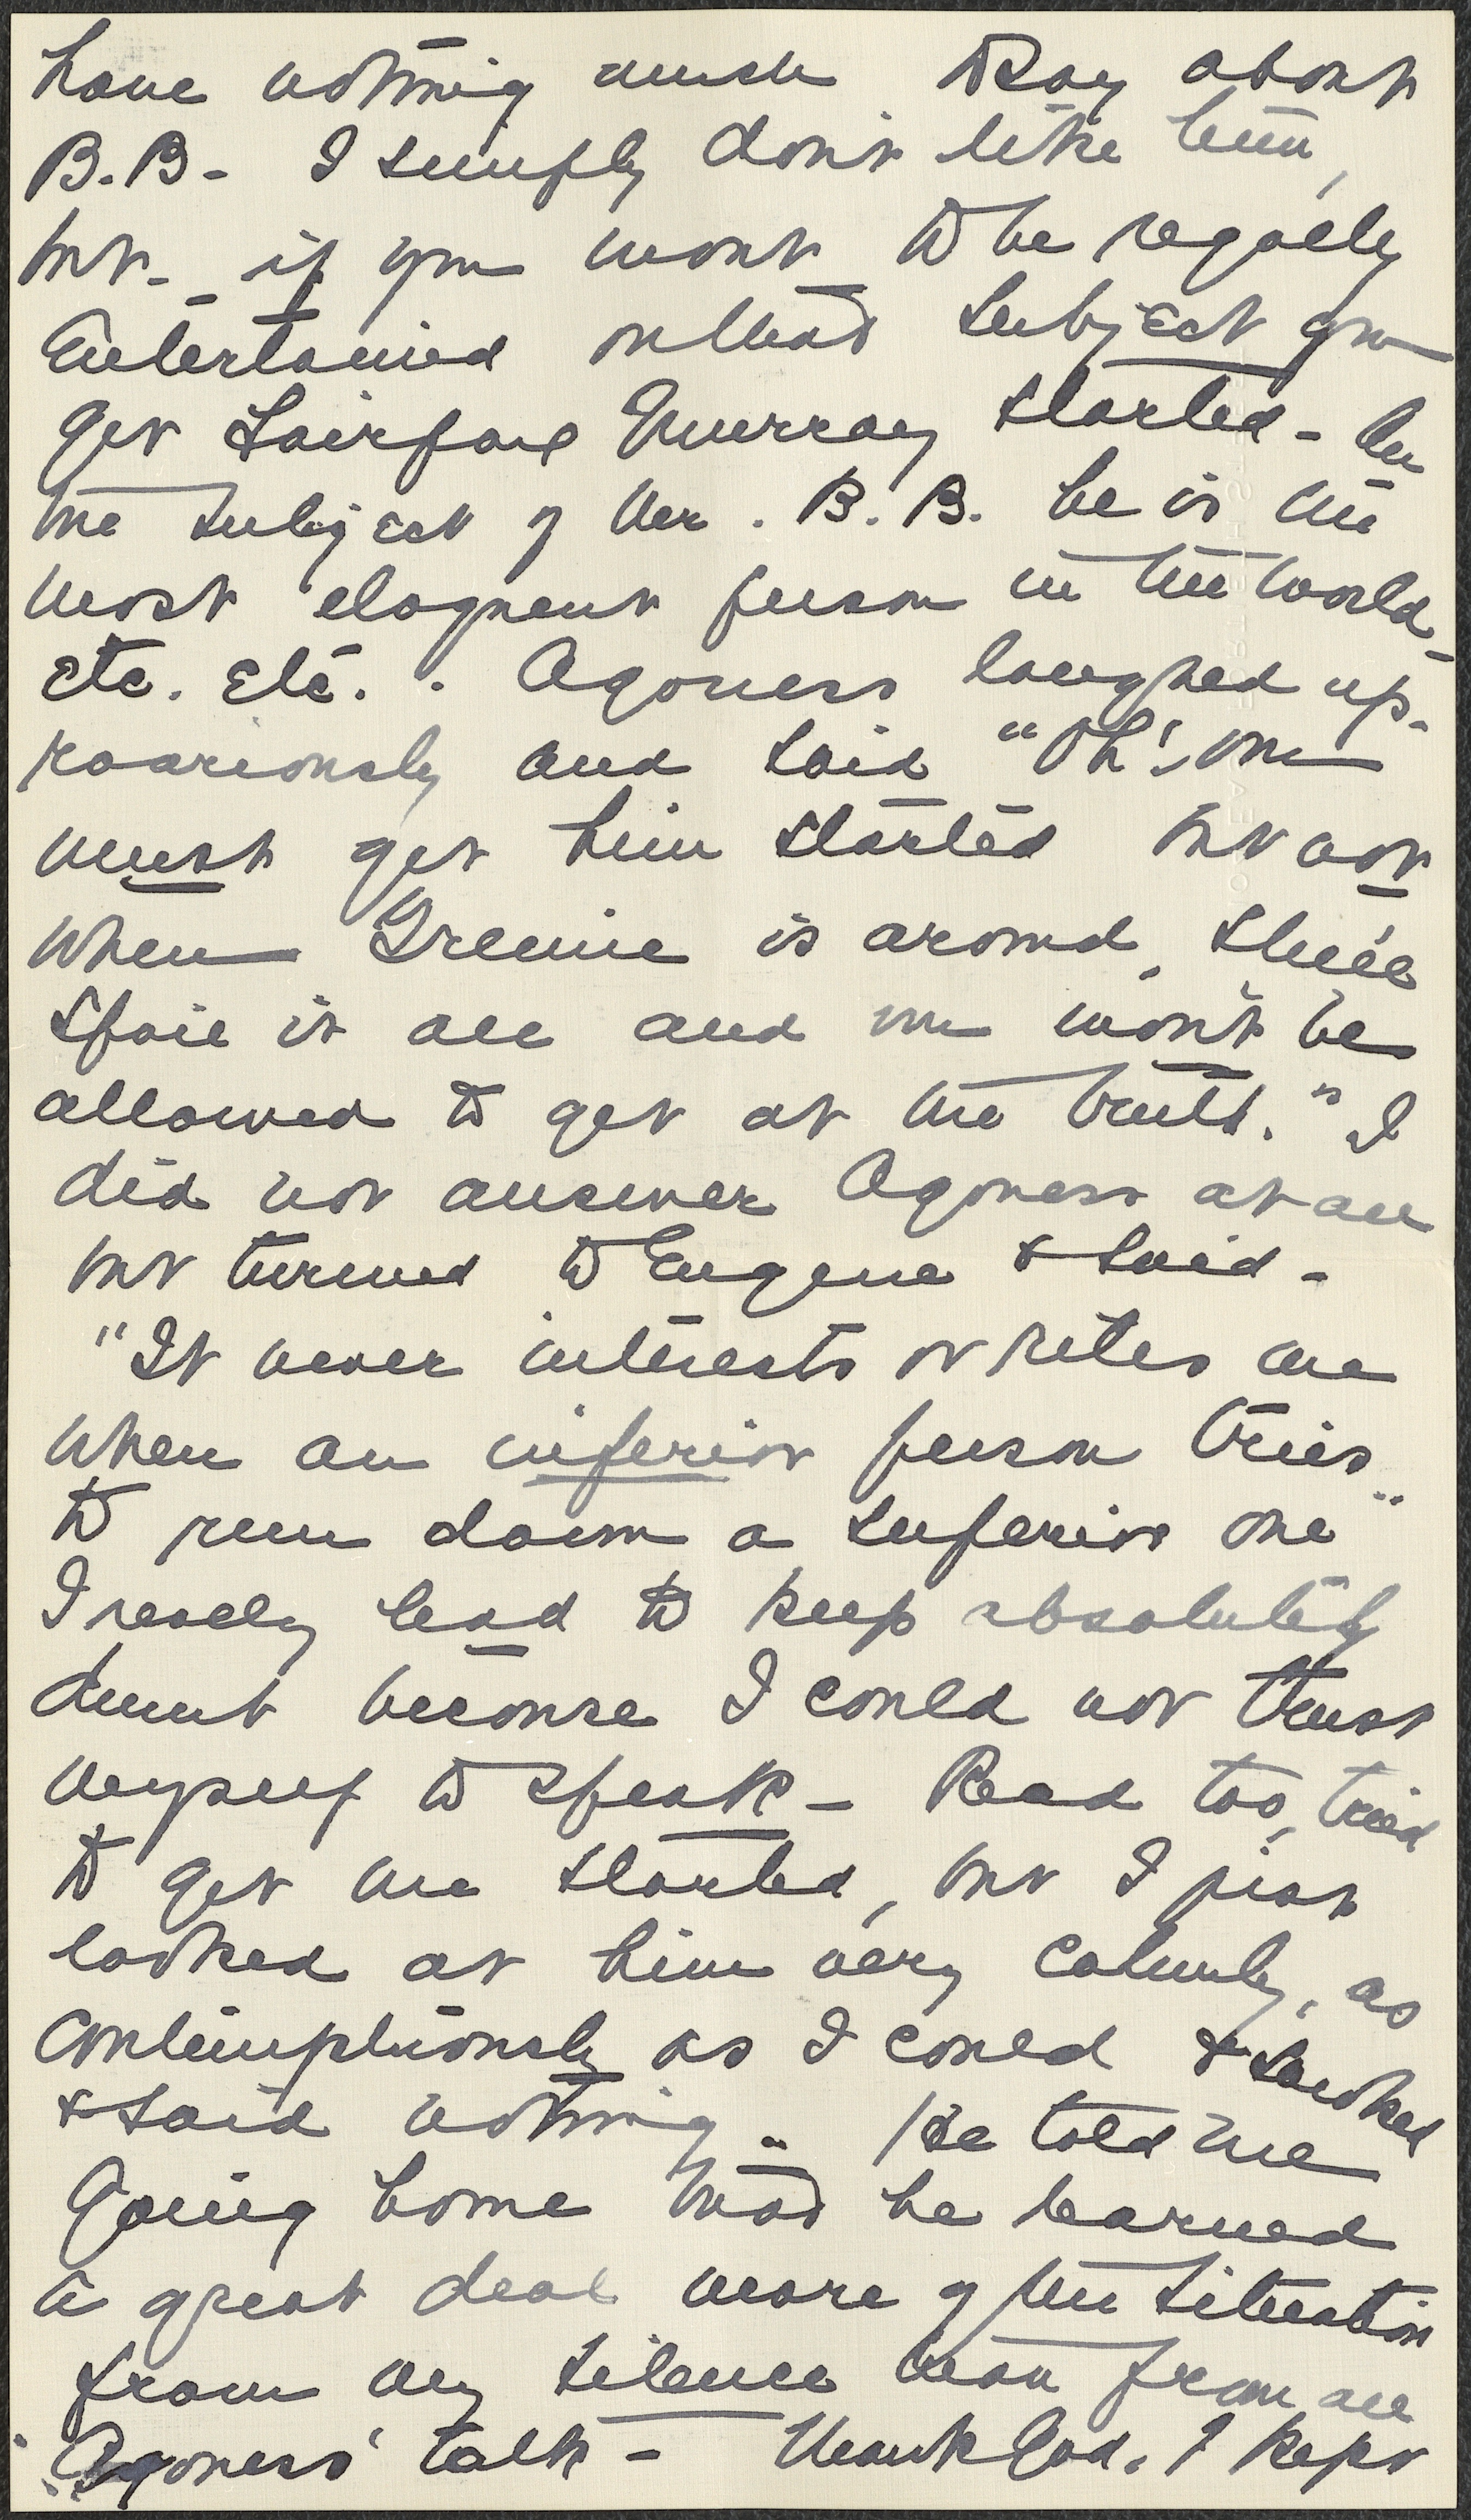have nothing much to say about B.B. I simply don't like him, but if you want to be regally entertained on that subject you get Fairfax Murray started – On the subject of Mr. B.B. he is the most eloquent person in the world – etc. etc. Agoness laughed uproariously and said "Oh! one must get him started but not when Greenie is around, she'll spoil it all and we won't be allowed to get at the truth." I did not answer Agoness at all but turned to Eugene & said – "It never interests or riles me when an inferior person tries to run down a superior one" I really had to keep absolutely decent because I could not trust myself to speak – Read too tried to get me started, but I just looked at him very calmly, as contemptuously as I could & sulked & said nothing – He told me going home that he learned a great deal more of the situation from my silence than from all Agoness' talk – Thank God, I kept